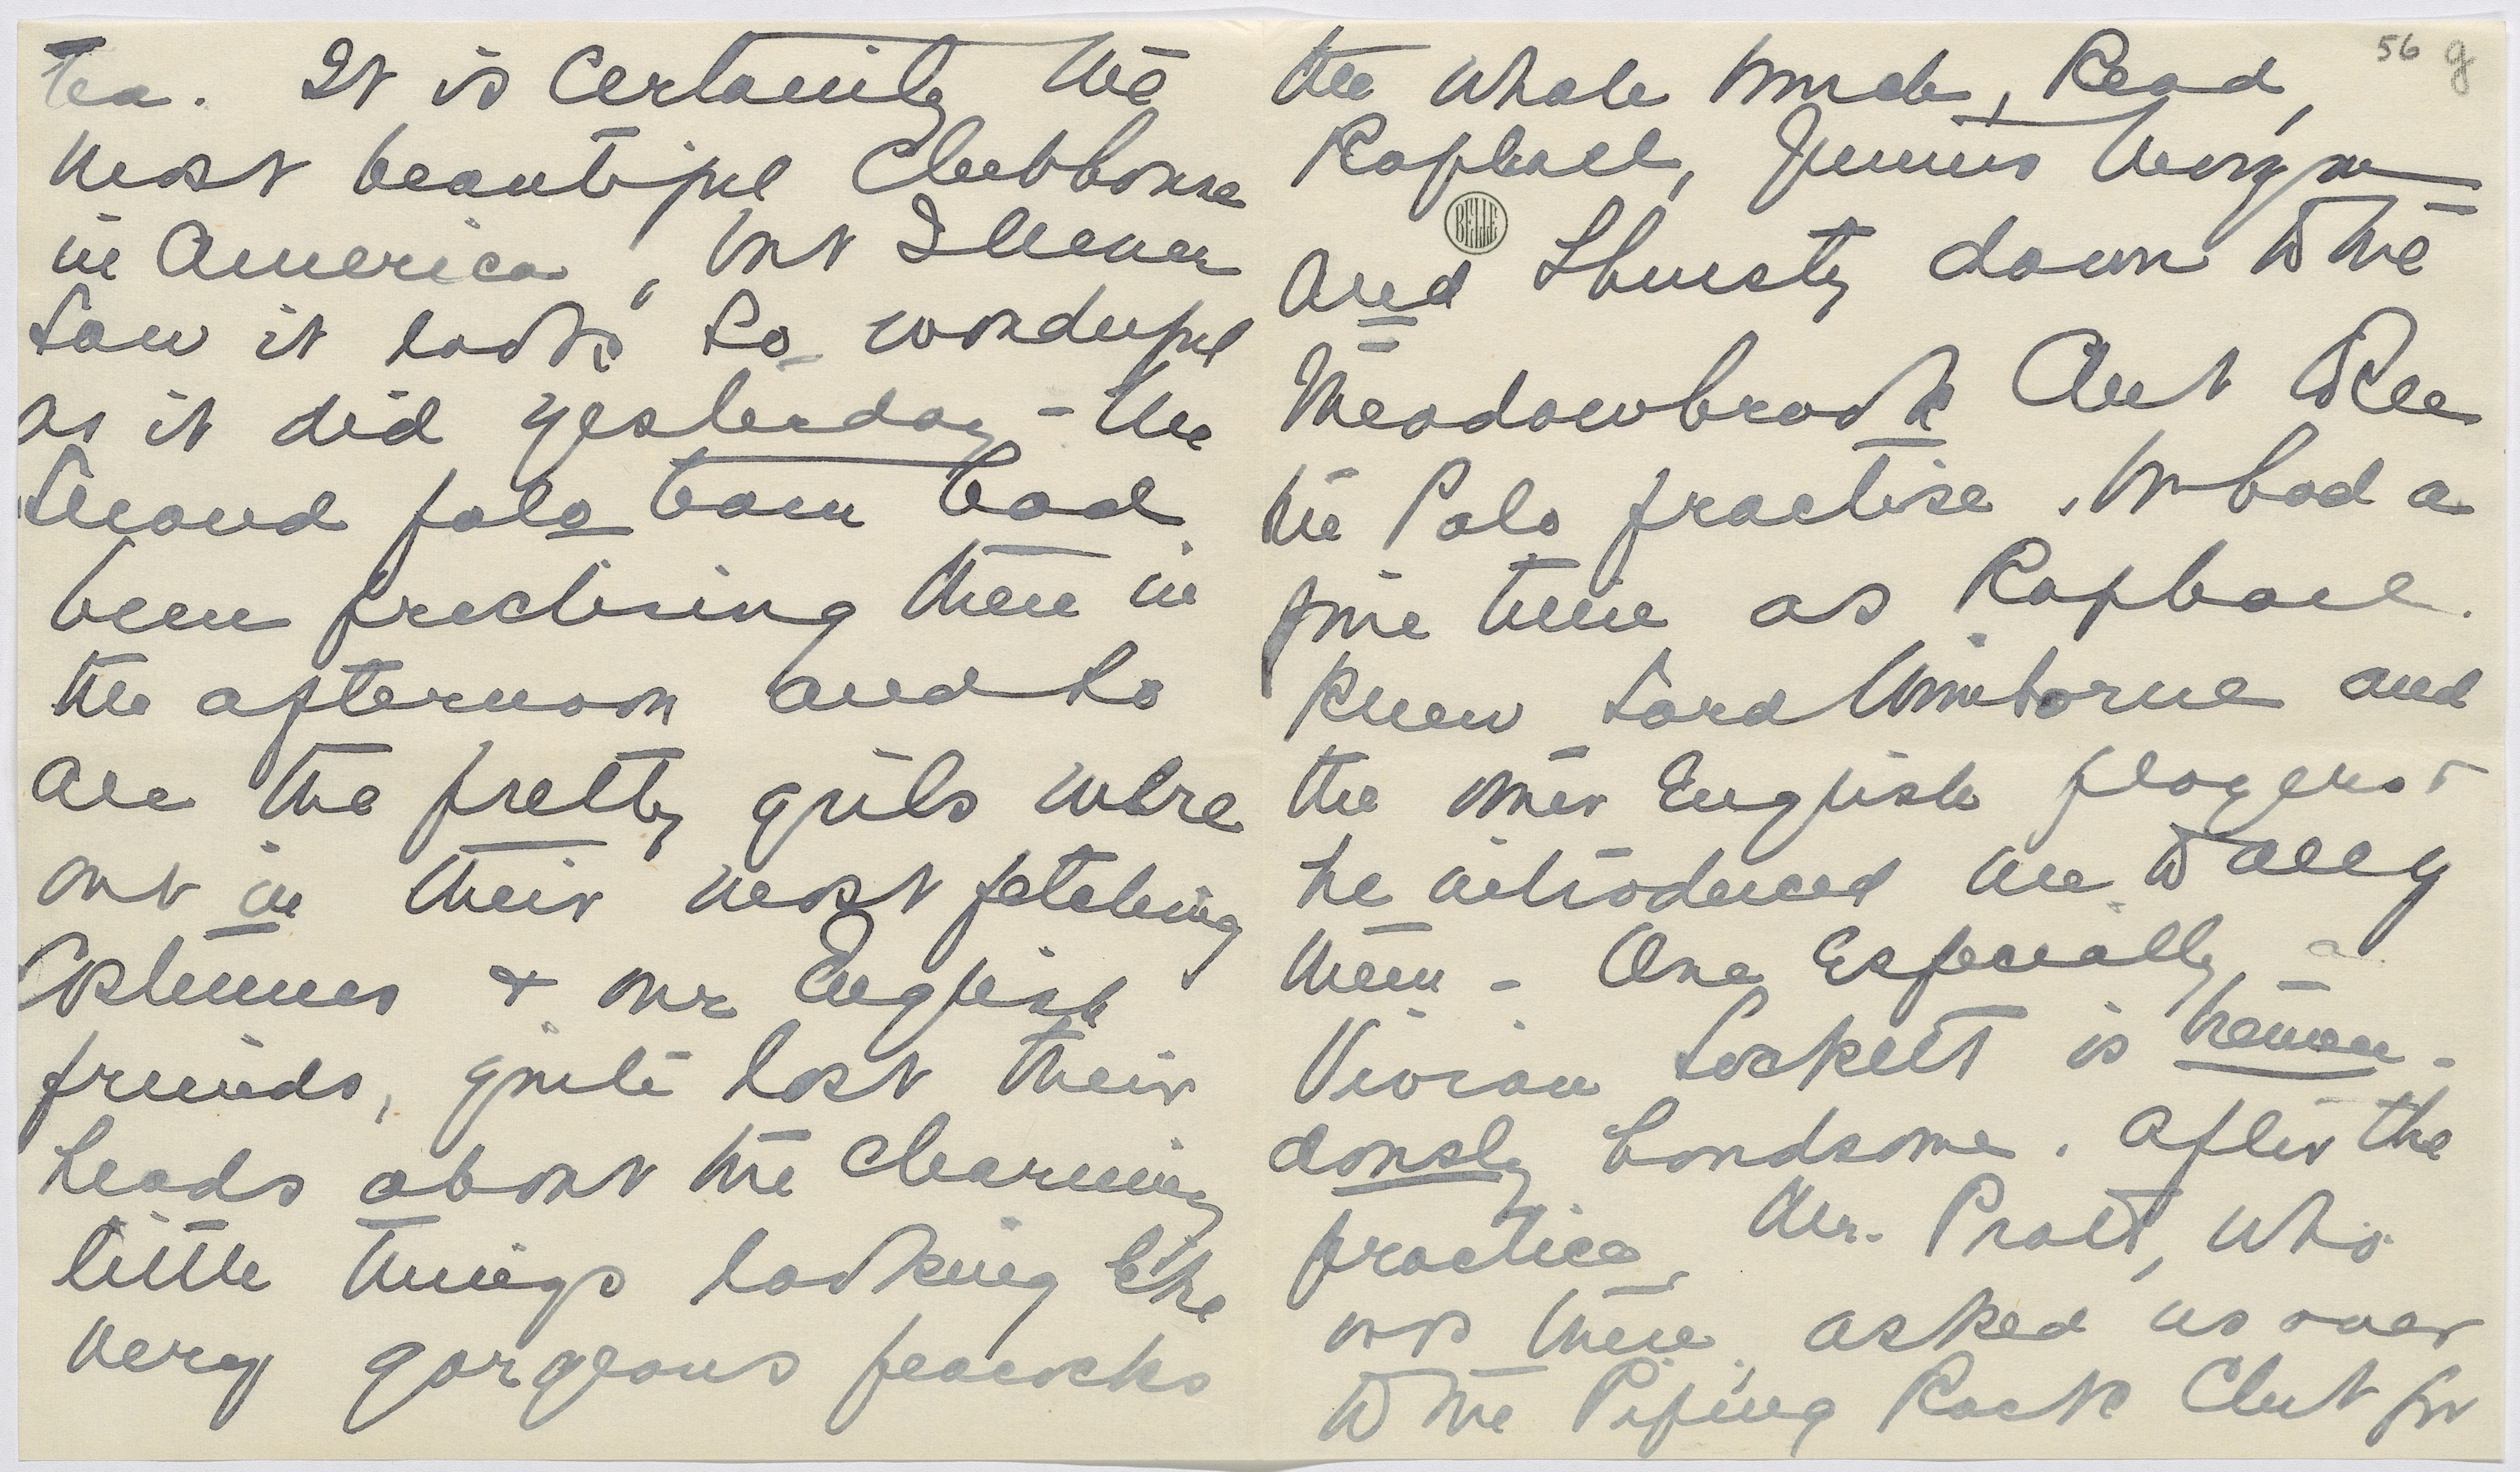the whole bunch, Read, Raphael, Junius Morgan [double underlined: and] Thursty down to the Meadowbrook Club to see the polo practice, we had a fine time as Raphael knew Lord Wimborne and the other English players & he introduced me to all of them – One especially a Vivian Lockett is tremendously handsome. After the practice, Mr. Pratt, who was there, asked us over to the Piping Rock Club for
Tea. It is certainly the most beautiful Clubhouse in America, but I never saw it look so wonderful as it did yesterday – The second polo team had been practicing there in the afternoon and so all the pretty girls were out in their most fetching costumes & our English friends, quite lost their heads about the charming little things looking like very gorgeous peacocks